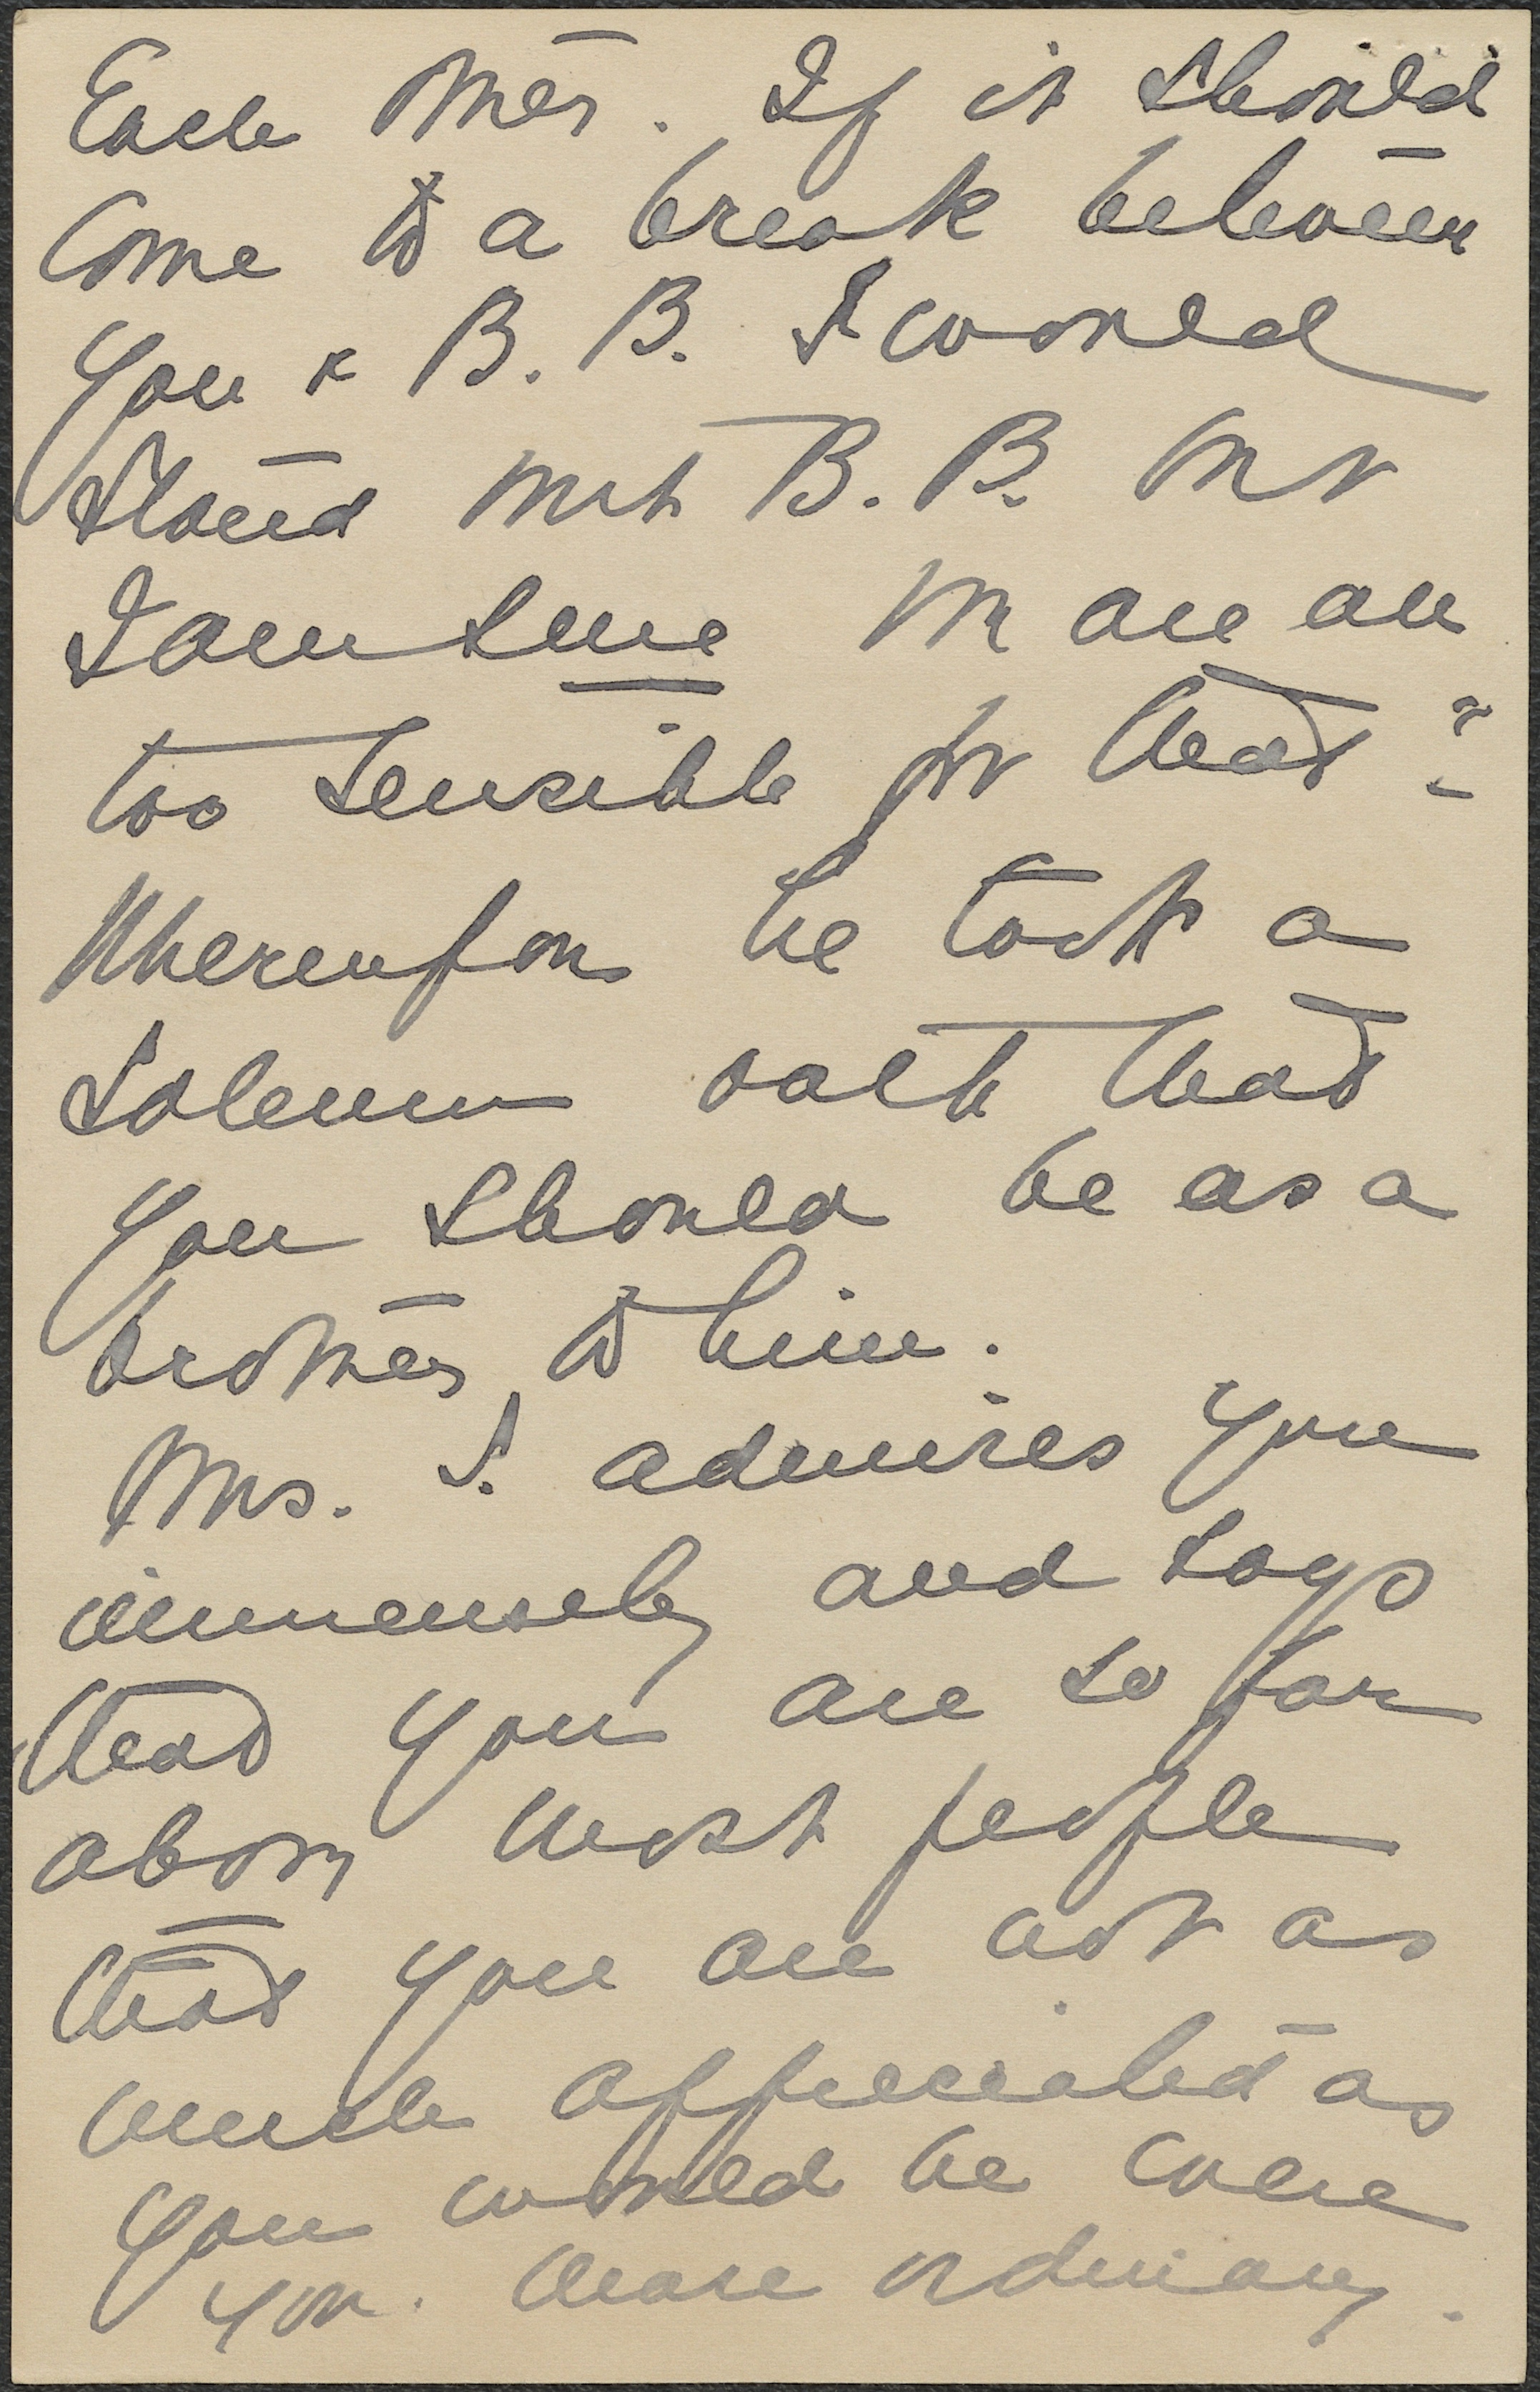each other. If it should come to a break between you & B. B. I would stand with B. B. but I am sure we are all too sensible for that” – Whereupon he took a solemn oath that you should be as a brother to him.
Mrs. S. admires you tremendously and says that you are so far above most people that you are not as much appreciated as you would be were you more ordinary.